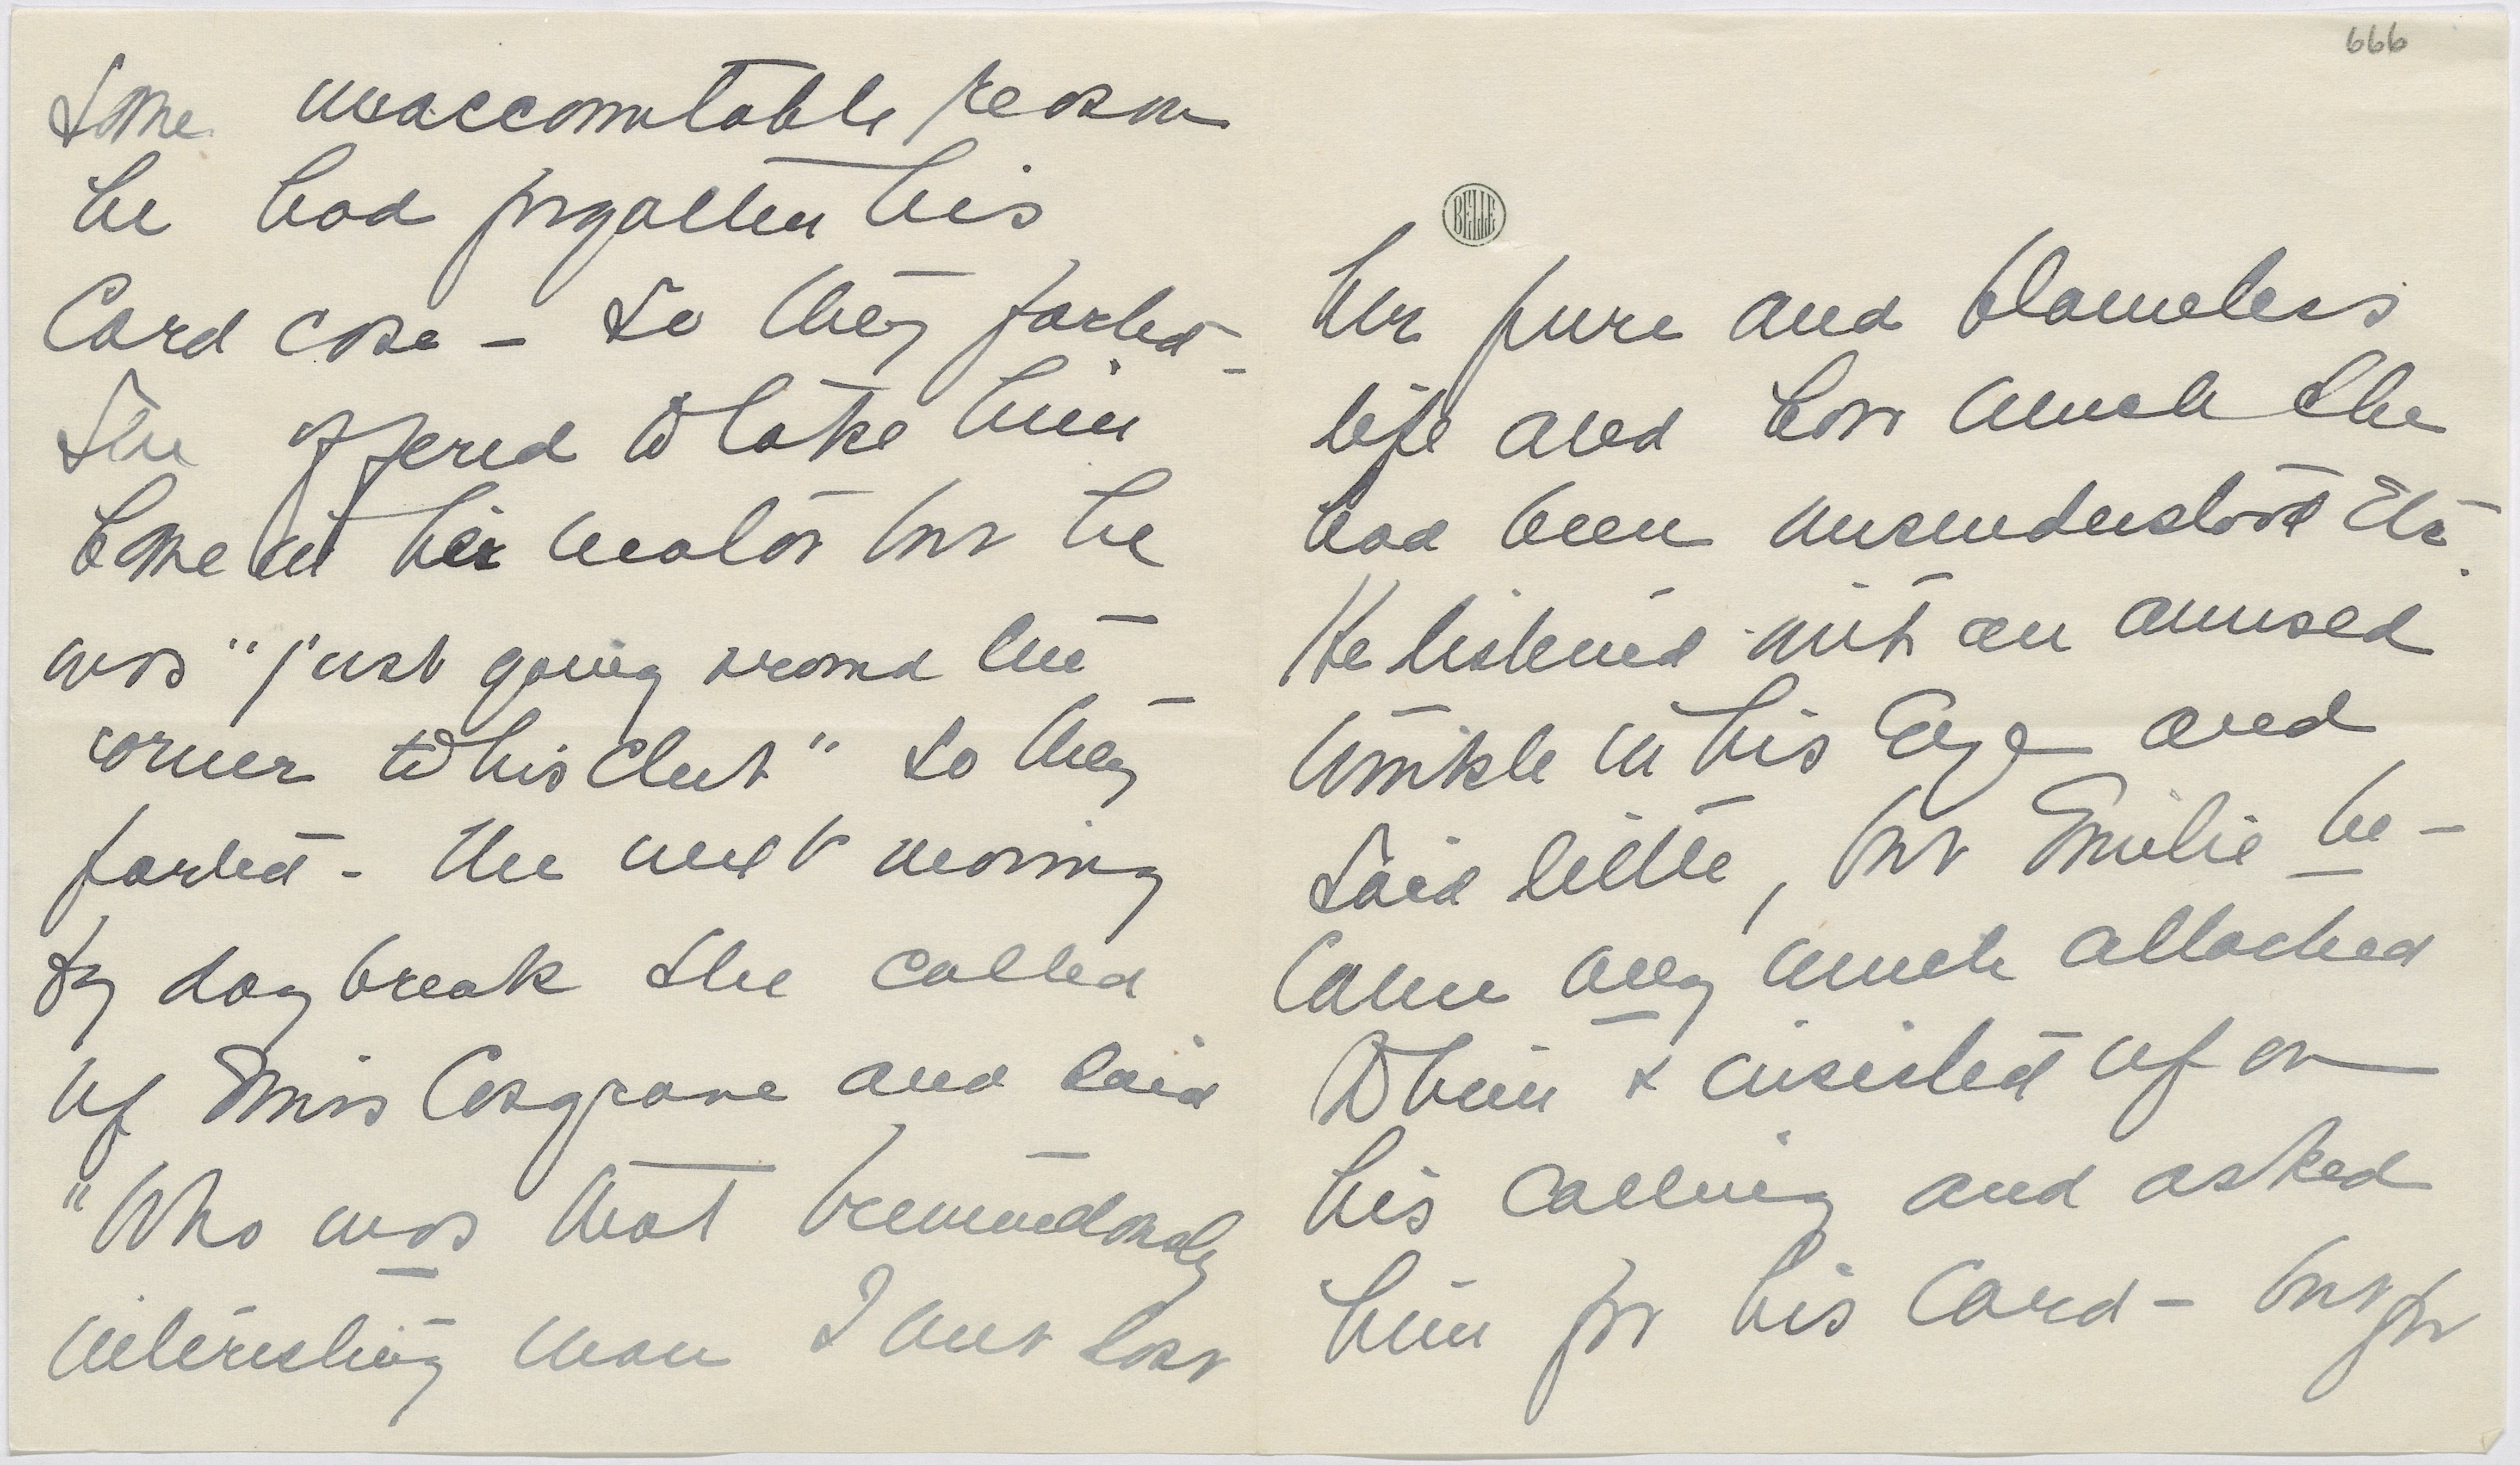her pure and blameless life and how much she had been misunderstood etc. He listened with an amused twinkle in his eye and said little, but Emilie became very much attached to him & insisted upon his calling and asked him for his card – but for
some unaccountable reason he had forgotten his card case – so they parted – She offered to take him home in her motor but he was “just going around the corner to his club” so they parted – The next morning by day break she called up Miss Cosgrave and said “Who was that tremendously interesting man I met last